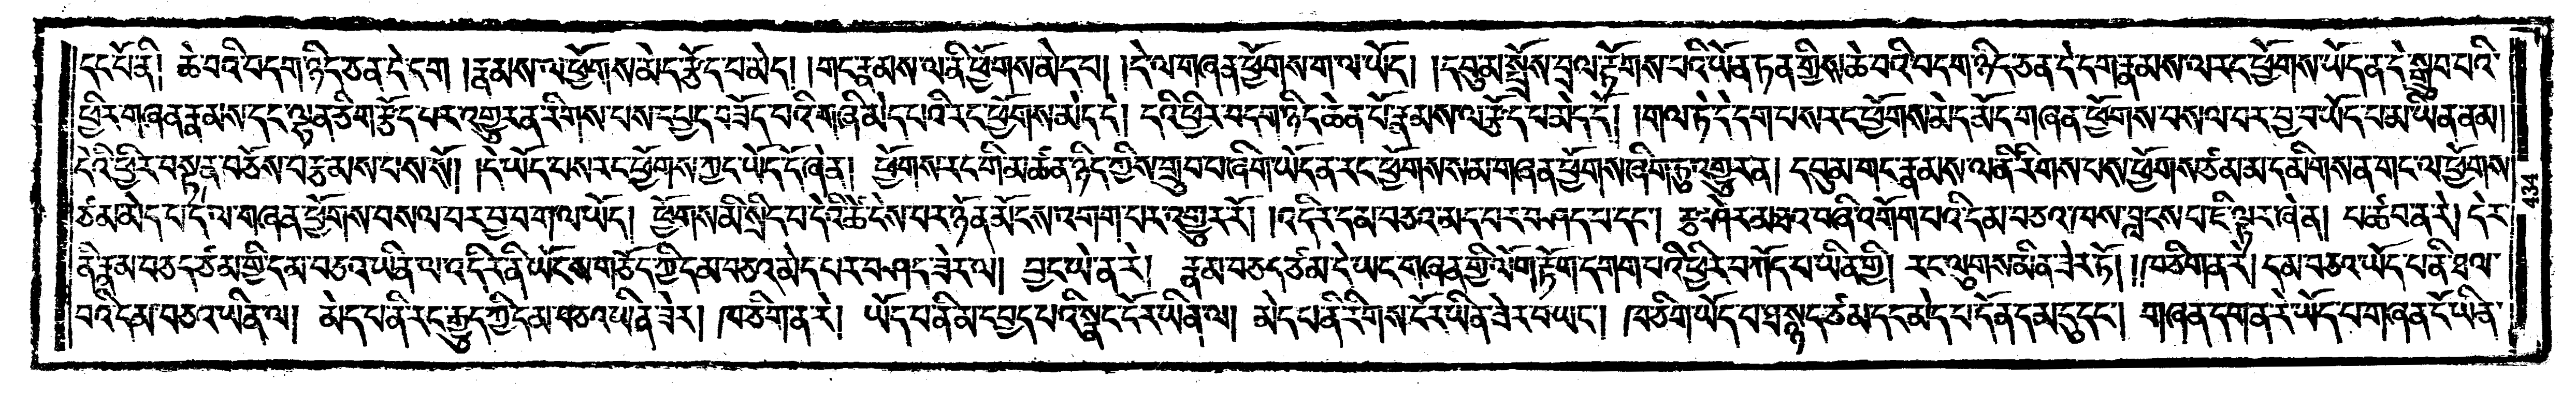དང་པོ་ནི། ཆེ་བའི་བདག་ཉིད་ཅན་དེ་དག །རྣམས་ལ་ཕྱོགས་མེད་རྩོད་པ་མེད། །གང་རྣམས་ལ་ནི་ཕྱོགས་མེད་པ། །དེ་ལ་གཞན་ཕྱོགས་ག་ལ་ཡོད། །དབུ་མ་སྤྲོས་བྲལ་རྟོགས་པའི་ཡོན་ཏན་གྱིས་ཆེ་བའི་བདག་ཉིད་ཅན་དེ་དག་རྣམས་ལ་རང་ཕྱོགས་ཡོད་ན་དེ་སྒྲུབ་པའི་
ཕྱིར་གཞན་རྣམས་དང་ལྷན་ཅིག་རྩོད་པར་འགྱུར་ན་རིགས་པས་དཔྱད་བཟོད་པའི་གཞི་མེད་པའི་རང་ཕྱོགས་མེད་དེ། དའི་ཕྱིར་བདག་ཉིད་ཆེན་པོ་རྣམས་ལ་རྩོད་པ་མེད་དོ། །གལ་ཏེ་དེ་དག་པས་རང་ཕྱོགས་མེད་མོད་གཞན་ཕྱོགས་བསལ་བར་བྱ་བ་ཡོད་པ་མ་ཡིན་ནམ།
དེའི་ཕྱིར་བསྟན་བཅོས་བརྩམས་པས་སོ། །དེ་ཡོད་པས་རང་ཕྱོགས་ཀྱང་ཡོད་དོ་ཞེ་ན། ཕྱོགས་རང་གི་མཚན་ཉིད་ཀྱིས་གྲུབ་པ་ཞིག་ཡོད་ན་རང་ཕྱོགས་སམ་གཞན་ཕྱོགས་ཞིག་ཏུ་འགྱུར་ན། དབུ་མ་གང་རྣམས་ལ་ནི་རིགས་པས་ཕྱོགས་ཙམ་མ་དམིགས་ན་གང་ལ་ཕྱོགས་
ཙམ་མེད་པ་དེ་ལ་གཞན་ཕྱོགས་བསལ་བར་བྱ་བ་ག་ལ་ཡོད། ཕྱོགས་མི་སྲིད་པ་དེའི་ཚེ་ངེས་པར་ཉོན་མོངས་འགག་པར་འགྱུར་རོ། །འདིར་དམ་བཅའ་མད་པར་བཤད་པ་དང་། རྩ་ཤེར་མཐའ་བཞི་འགོག་པའི་དམ་བཅའ་ཁས་བླངས་པ་ཇི་ལྟར་ཞེ་ན། ཕ་ཚབ་ན་རེ། དེར་
ནི་རྣམ་བཅད་ཙམ་གྱི་དམ་བཅའ་ཡིན་ལ་འདིར་ནི་ཡོངས་གཅོད་ཀྱི་དམ་བཅའ་མེད་པར་བཤད་ཟེར་ལ། བྱང་ཡེ་ན་རེ། རྣམ་བཅད་ཙམ་དེ་ཡང་གཞན་གྱི་ལོག་རྟོག་དགག་པའི་ཕྱིར་བཀོད་པ་ཡིན་གྱི། རང་ལུགས་མིན་ཟེར་ཏོ། །ཁ་ཅིག་ན་རེ། དམ་བཅའ་ཡོད་པ་ནི་ཐལ་
བའི་དམ་བཅའ་ཡིན་ལ། མེད་པ་ནི་རང་རྒྱུད་ཀྱི་དམ་བཅའ་ཡིན་ཟེར། ཁ་ཅིག་ན་རེ། ཡོད་པ་ནི་མ་དཔྱད་པའི་སྣང་ངོར་ཡིན་ལ། མེད་པ་ནི་རིགས་ངོར་ཡིན་ཟེར་བ་ཡང་། ཁ་ཅིག་ཡོད་པ་ཐ་སྙད་ཙམ་དང་མེད་པ་དོན་དམ་དུ་དང་། གཞན་དག་ན་རེ་ཡོད་པ་གཞན་ངོ་ཡིན་